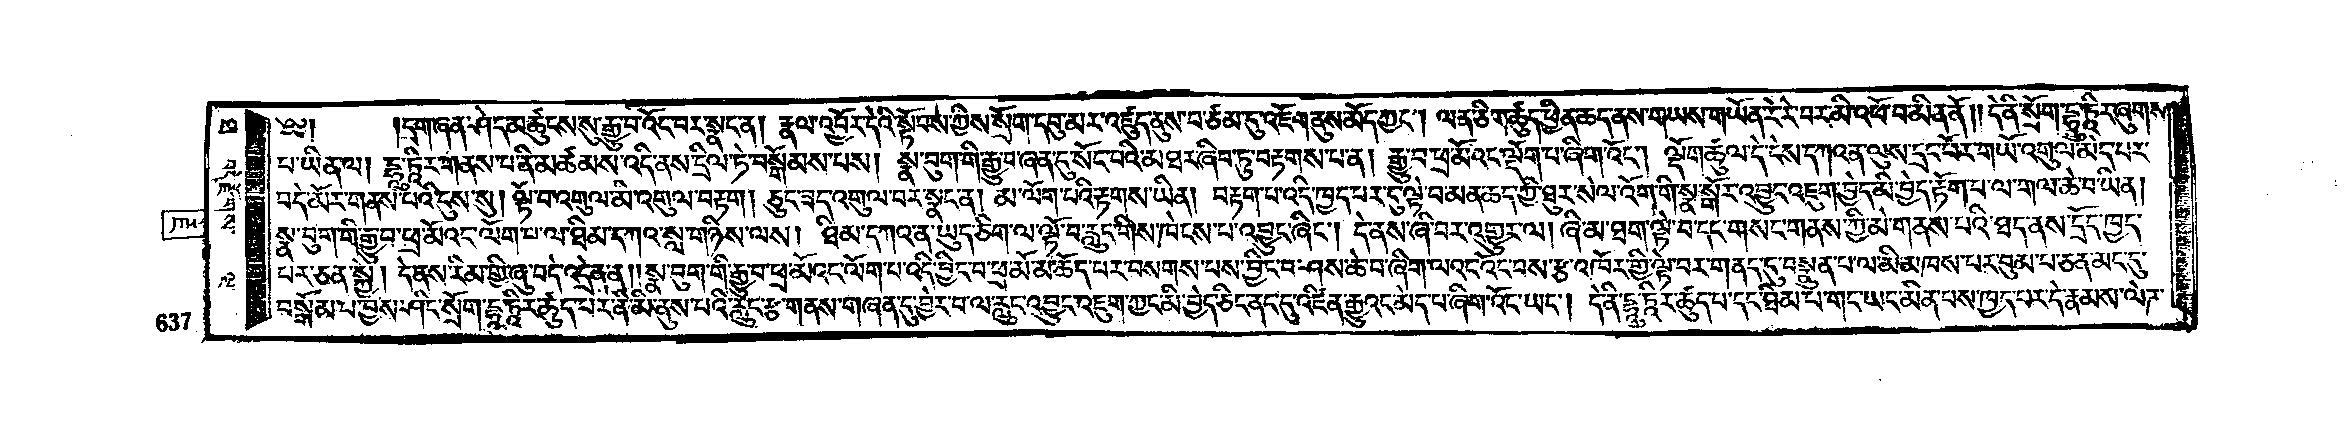༄༅། །དྲག་ཞན་ཤེད་མཚུངས་སུ་རྒྱུ་བ་འོང་བར་སྣང་ན། རྣལ་འབྱོར་དེའི་སྟོབས་ཀྱིས་སྲོག་དབུ་མར་འཛུད་ནུས་པ་ཙམ་དུ་འཇོག་ནུས་མོད་ཀྱང་། ལན་ཅིག་ཚུད་ཕྱིན་ཆད་ནས་གཡས་གཡོན་རེ་རེ་བར་མི་འཕོ་བ་མིན་ནོ། །དེ་ནི་སྲོག་དྷཱུ་ཏཱིར་ཞུགས་
པ་ཡིན་ལ། དྷཱུ་ཏཱིར་གནས་པ་ནི་མཚམས་འདི་ནས་དྲིལ་ཏེ་བསྒོམས་པས། སྣ་བུག་གི་རྒྱུ་བ་ཞན་དུ་སོང་བའི་མཐར་ཞིབ་ཏུ་བརྟགས་པ་ན། རྒྱུ་བ་ཕྲ་མོའང་ལྡོག་པ་ཞིག་འོང་། ལྡོག་ཚུལ་དེ་ངེས་དཀའ་ན་ལུས་དྲང་པོར་གཡོ་འགུལ་མེད་པར་
བདེ་མོར་གནས་པའི་དུས་སུ། ལྟོ་བ་འགུལ་མི་འགུལ་བརྟག །ཅུང་ཟད་འགུལ་བར་སྣང་ན། མ་ལོག་པའི་རྟགས་ཡིན། བརྟག་པ་འདི་ཁྱད་པར་དུ་ལྟེ་བ་མན་ཆད་ཀྱི་ཐུར་སེལ་འོག་གི་སྣ་སྒོར་འབྱུང་འཇུག་བྱེད་མི་བྱེད་རྟོག་པ་ལ་གལ་ཆེ་བ་ཡིན།
སྣ་བུག་གི་རྒྱུ་བ་ཕྲ་མོའང་ལོག་པ་ལ་ཐིམ་དཀའ་སླ་གཉིས་ལས། ཐིམ་དཀའ་ན་ཡུད་ཅིག་ལ་ལྟོ་བ་རླུང་གིས་ཁེངས་པ་འབྱུང་ཞིང་། དེ་ནས་ཞི་བར་འགྱུར་ལ། ཞི་མ་ཐག་ལྟེ་བ་དང་གསང་གནས་ཀྱི་མེ་གནས་པའི་ཐད་ནས་དྲོད་ཁྱད་
པར་ཅན་སྐྱེ། དེ་ནས་རིམ་གྱི་ཞུ་བདེ་འདྲེན་ན། །སྣ་བུག་གི་རྒྱུ་བ་ཕྲ་མོའང་ལོག་པ་འདི་བྱིང་བ་ཕྲ་མོ་མཆོད་པར་བསགས་པས་བྱིང་བ་ཤས་ཆེ་བ་ཞིག་ལའང་འོང་བས་རྩ་འཁོར་གྱི་ལྟེ་བར་གནད་དུ་བསྣུན་པ་ལ་མི་མཁས་པར་བུམ་པ་ཅན་མང་དུ་
བསྒོམ་པ་བྱས་ཤིང་སྲོག་དྷཱུ་ཏཱིར་ཚུད་པར་ནི་མི་ནུས་པའི་རླུང་རྩ་གནས་གཞན་དུ་བྱེར་བ་ལ་རླུང་འབྱུང་འཇུག་ཀྱང་མི་བྱེད་ཅིང་ནང་དུ་འཛིན་རྒྱུའང་མེད་པ་ཞིག་འོང་ཡང་། དེ་ནི་དྷཱུ་ཏཱིར་ཚུད་པ་དང་ཐིམ་པ་གང་ཡང་མིན་པས་ཁྱད་པར་དེ་རྣམས་ལེགས་